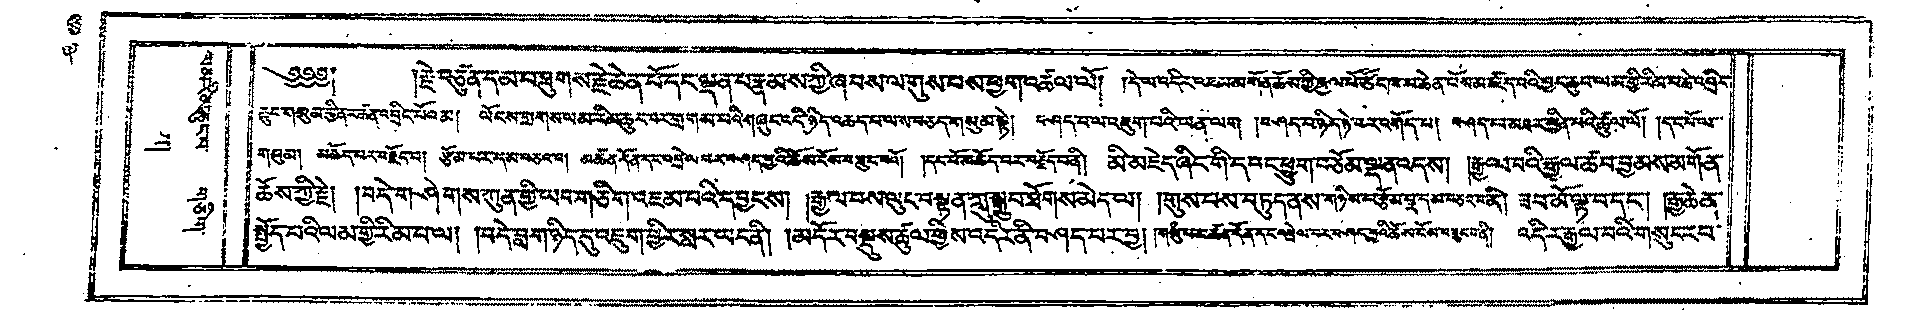༄༅༅། །རྗེ་བཙུན་དམ་པ་ཐུགས་རྗེ་ཆེན་པོ་དང་ལྡན་པ་རྣམས་ཀྱི་ཞབས་ལ་གུས་པས་ཕྱག་འཚལ་ལོ། །དེ་ལ་འདིར་འཇམ་མགོན་ཆོས་ཀྱི་རྒྱལ་པོ་ཙོང་ཁ་པ་ཆེན་པོས་མཛད་པའི་བྱང་ཆུབ་ལམ་གྱི་རིམ་པ་ཆེ་འབྲིང་
ཆུང་གསུམ་གྱི་ནང་ཚན་འབྲིང་པོའམ། ཡོངས་གྲགས་ལམ་རིམ་ཆུང་བར་གྲགས་པའི་གཞུང་འདི་ཉིད་འཆད་པ་ལས་བཅད་གསུམ་སྟེ། བཤད་པ་ལ་འཇུག་པའི་ཡན་ལག །བཤད་པ་ཉིད་ཉེ་བར་འགོད་པ། བཤད་བ་མཐར་ཕྱིན་པའི་ཚུལ་ལོ། །དང་པོ་ལ་
གསུམ། མཆོད་པར་བརྗོད་པ། རྩོམ་པར་དམ་བཅའ་བ། མཚན་དོན་དང་འབྲེལ་བར་བཤད་བྱའི་ཆོས་ངོས་བཟུང་བའོ། །དང་པོ་མཆོད་པར་བརྗོད་པ་ནི། མི་མཇེད་ཞིང་གི་དབང་ཕྱུག་བཅོམ་ལྡན་འདས། །རྒྱལ་བའི་རྒྱལ་ཚབ་བྱམས་མགོན་
ཆོས་ཀྱི་རྗེ། །བདེ་གཤེགས་ཀུན་གྱི་ཡབ་གཅིག་འཇམ་པའི་དབྱངས། །རྒྱལ་བས་ལུང་བསྟན་ཀླུ་སྒྲུབ་ཐོགས་མེད་ལ། །གུས་པས་བཏུད་ནས་གཉིས་པ་རྩོམ་པར་དམ་བཅའ་བ་ནི།  ཟབ་མོ་ལྟ་བ་དང་། །རྒྱ་ཆེན་
སྤྱོད་པའི་ལམ་གྱི་རིམ་པ་ལ། །བདེ་བླག་ཉིད་དུ་འཇུག་ཕྱིར་སླར་ཡང་ནི། །མདོར་བསྡུས་ཚུལ་གྱིས་འདིར་ནི་བཤད་པར་བྱ། །གསུཾ་པ་མཚན་དོན་དང་འབྲེལ་ངར་བཤད་བྱའི་ཆོས་ངོས་བཟུང་བ་ནི།  འདིར་རྒྱལ་བའི་གསུང་རབ་